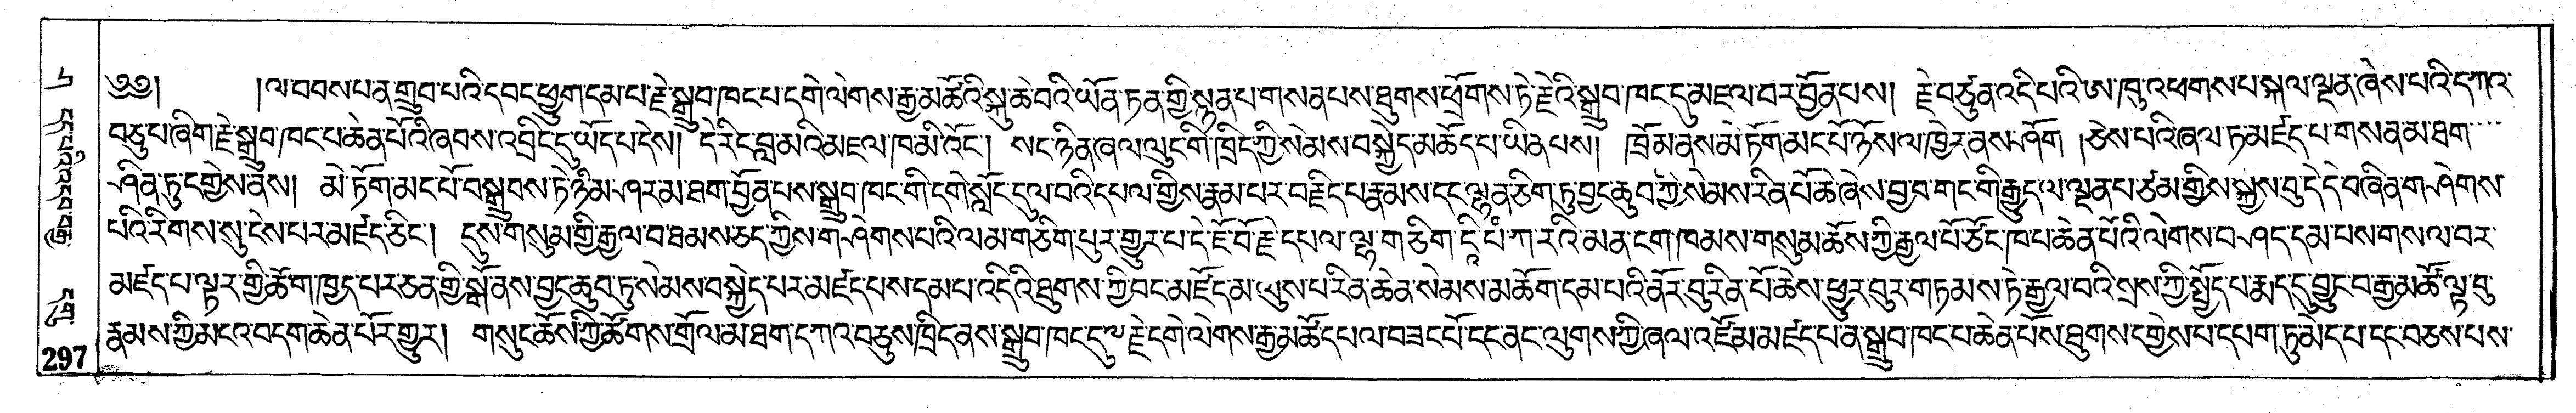༄༅། །ལ་བབས་པ་ན་གྲུབ་པའི་དབང་ཕྱུག་དམ་པ་རྗེ་སྒྲུབ་ཁང་པ་དགེ་ལེགས་རྒྱ་མཚོའི་སྐུ་ཆེ་བའི་ཡོན་ཏན་གྱི་སྙན་པ་གསན་པས་ཐུགས་ཕྲོགས་ཏེ་རྗེའི་སྒྲུབ་ཁང་དུ་མཇལ་བར་བྱོན་པས། རྗེ་བཙུན་འདི་པའི་ཨ་ཁུ་འཕགས་པ་སྐལ་ལྡན་ཞེས་པའི་དཀའ་
བཅུ་པ་ཞིག་རྗེ་སྒྲུབ་ཁང་པ་ཆེན་པོའི་ཞབས་འབྲིང་དུ་ཡོད་པ་ངེས། དེ་རིང་བླ་མའི་མཇལ་ཁ་མི་འོང་། སང་ཉིན་ཞལ་ལུང་གི་ཁྲིད་ཀྱི་སེམས་བསྐྱེད་མཆོག་པ་ཡིན་པས། ཁྲོམ་ནས་མེ་ཏོག་མང་པོ་ཉོས་ལ་ཁྱེར་ནས་ཤོག །ཅེས་པའི་ཞལ་ཏ་མཛད་པ་གསན་མ་ཐག་
ཤིན་ཏུ་དགྱེས་ནས། མེ་ཏོག་མང་པོ་བསྒྲུབས་ཏེ་ཉི་མ་ཤར་མ་ཐག་བྱོན་པས་སྒྲུབ་ཁང་གི་དགེ་སློང་དུལ་བའི་དཔལ་གྱིས་རྣམ་པར་བརྗིད་པ་རྣམས་དང་ལྷན་ཅིག་ཏུ་བྱང་ཆུབ་ཀྱི་སེམས་རིན་པོ་ཆེ་ཞེས་བྱ་བ་གང་གི་རྒྱུད་ལ་ལྡན་པ་ཙམ་གྱིས་སྐྱེས་བུ་དེ་དེ་བཞིན་གཤེགས་
པའི་རིགས་སུ་ངེས་པར་མཛད་ཅིང་། དུས་གསུམ་གྱི་རྒྱལ་བ་ཐམས་ཅད་ཀྱིས་གཤེགས་པའི་ལམ་གཅིག་པུར་གྱུར་པ་དེ་ཇོ་བོ་རྗེ་དཔལ་ལྷ་གཅིག་དཱི་པཾ་ཀ་རའི་མན་ངག་ཁམས་གསུམ་ཆོས་ཀྱི་རྒྱལ་པོ་ཙོང་ཁ་པ་ཆེན་པོའི་ལེགས་བཤད་དམ་པས་གསལ་བར་
མཛད་པ་ལྟར་གྱི་ཆོ་ག་ཁྱད་པར་ཅན་གྱི་སྒོ་ནས་བྱང་ཆུབ་ཏུ་སེམས་བསྐྱེད་པར་མཛད་པས་དམ་པ་འདིའི་ཐུགས་ཀྱི་བང་མཛོད་མ་ལུས་བ་རིན་ཆེན་སེམས་མཆོག་དམ་པའི་ནོར་བུ་རིན་པོ་ཆེས་ཕྱུར་བུར་གཏམས་ཏེ་རྒྱལ་བའི་སྲས་ཀྱི་སྤྱོད་པ་རྨད་དུ་བྱུང་བ་རྒྱ་མཚོ་ལྟ་བུ་
རྣམས་ཀྱི་མངའ་བདག་ཆེན་པོར་གྱུར། གསུང་ཆོས་ཀྱི་ཚོགས་གྲོལ་མ་ཐག་དཀའ་བཅུས་ཁྲིད་ནས་སྒྲུབ་ཁང་དུ་༧་རྗེ་དགེ་ལེགས་རྒྱ་མཚོ་དཔལ་བཟང་པོ་དང་ནང་ལུགས་ཀྱི་ཞལ་འཛོམ་མཛད་པ་ན་སྒྲུབ་ཁང་པ་ཆེན་པོས་ཐུགས་དགྱེས་པ་དཔག་ཏུ་མེད་པ་དང་བཅས་པས་